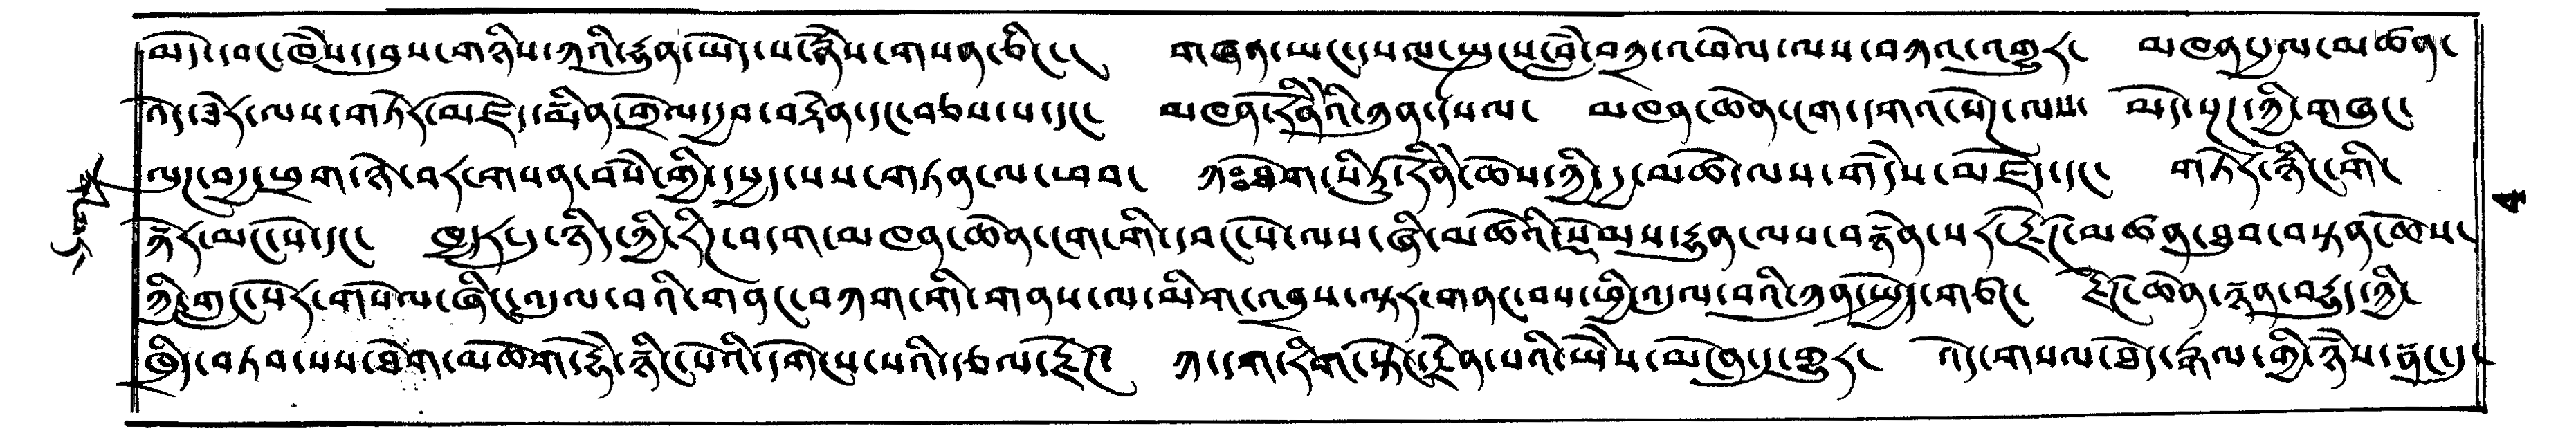མདོ་དབང་ཁམས་དབུས་གཉིས་ཀའི་རྒྱུན་ཡོད་པ་རྣམས་གསན་ཅིང་། གཞན་ཡང་དཔལ་སྤུངས་བླ་མ་བཀྲ་འཕེལ་ལས་བཀའ་འགྱུར། མཁན་རྒྱལ་མཚན་
འོད་ཟེར་ལས་གཏེར་མཛོད་སྨིན་གྲོལ་རྒྱབ་རྟེན་དང་བཅས་པ་དང་། མཁན་རིན་པོ་ཆེ་ཀུན་དཔལ། མཁན་ཆེན་ངག་དགའ་སོགས་ལས། མདོ་སྔགས་ཀྱི་གཞུང་
ལུགས་བརྒྱ་ཕྲག་ཉེ་བར་གསན་བསམ་གྱི་དཔྱད་པས་གཏན་ལ་ཕབ། ཀཿཐོག་སི་ཏུ་རིན་པོ་ཆེ་ཆོས་ཀྱི་རྒྱ་མཚོ་ལས་གདམས་མཛོད་དང་། གཏེར་སྙིང་གི་
སྐོར་མང་པོ་དང་། ཁྱད་པར་དུ་ཉིད་ཀྱི་རིགས་བདག་མཁན་ཆེན་ངག་གི་དབང་པོ་ལས་ཞི་འཚོའི་སྡོམ་རྒྱུན་ལས་བསྙེན་པར་རྫོགས། མཚན་ཐུབ་བསྟན་ཆོས་
ཀྱི་གླང་པོར་གསོལ་ཞིང་འདུལ་བའི་གནང་བཀག་གི་གནས་ལ་མིག་འབྲས་ལྟར་གནང་བས་ཕྱི་འདུལ་བའི་ཀུན་སྤྱོད་གཙང་། རྫོགས་ཆེན་སྙན་བརྒྱུད་ཀྱི་
ཁྲིད་བཏབ་པས་ཐེག་མཆོག་རྡོ་རྗེ་སྙིང་པོའི་དགོངས་པའི་རྩལ་རྫོགས། ཀ་དག་རིག་སྟོང་རྗེན་པའི་ཡེ་ཤེས་མངོན་དུ་གྱུར། འོད་གསལ་ཐོད་རྒལ་གྱི་ཉམས་སྣང་དུ་